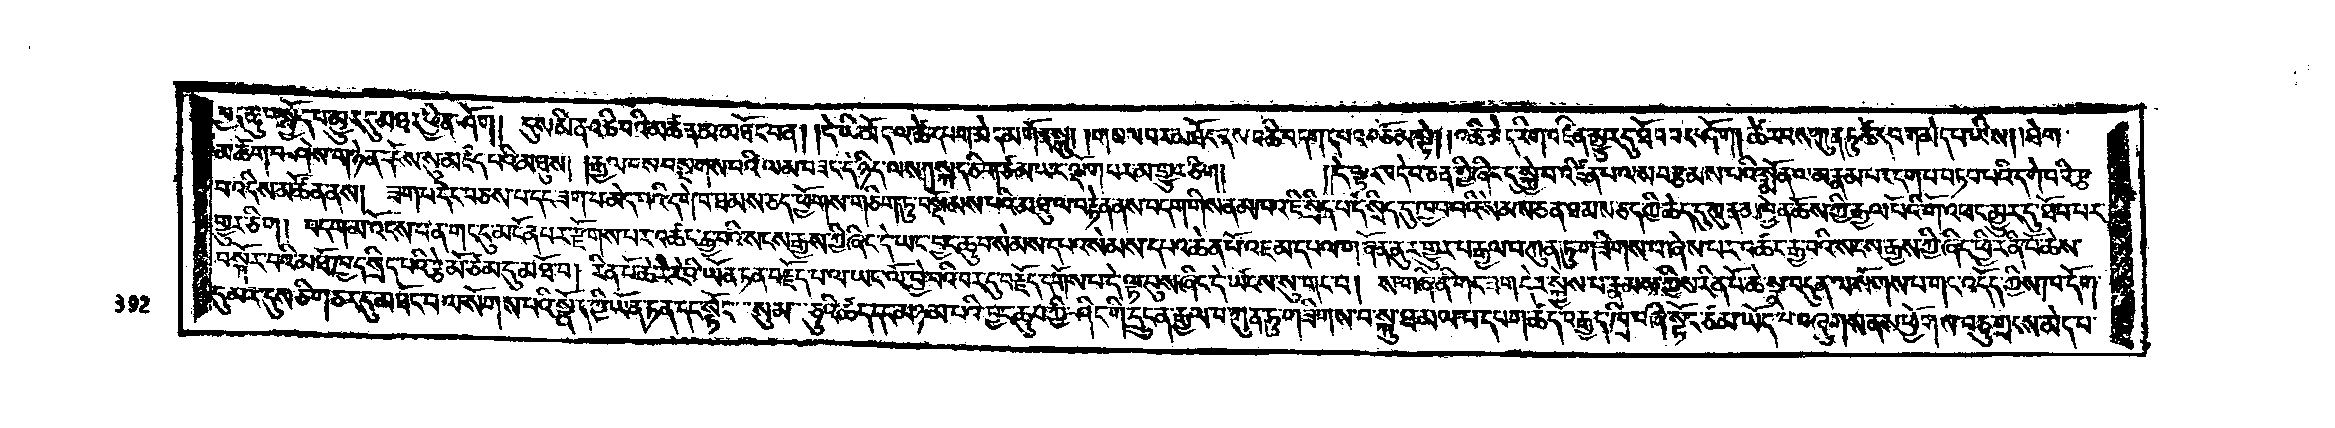བྱང་ཆུབ་སྤྱོད་པ་མྱུར་དུ་མཐར་ཕྱིན་ཤོག། དུས་མིན་འཆི་བའི་མཚན་མ་མཐོང་བ་ན། །དེ་ཡི་མོད་ལ་ཚེ་དཔག་མེད་མགོན་སྐུ། །གསལ་བར་མཐོང་ནས་འཆི་བདག་དཔའ་བཅོམ་སྟེ། །འཆི་མེད་རིག་འཛིན་མྱུར་དུ་ཐོབ་པར་ཤོག། ཚེ་རབས་ཀུན་ཏུ་ཚེ་དཔག་མེད་པ་ཡིས། །ཐེག་
མཆོག་བཤེས་གཉེན་དངོས་སུ་མཛད་པའི་མཐུས། །རྒྱལ་བས་བསྔགས་པའི་ལམ་བཟང་དེ་ཉིད་ལས། །སྐད་ཅིག་ཙམ་ཡང་ལྡོག་པར་མ་གྱུར་ཅིག ། །།དེ་ལྟར་བདེ་བ་ཅན་གྱི་ཞིང་དུ་སྐྱེ་བ་འཛིན་པ་ལས་བརྩམས་པའི་སྨོན་ལམ་རྣམ་པར་དག་པ་བཏབ་པའི་དགེ་བའི་རྩ་
བ་འདིས་མཚོན་ནས། ཟག་པ་དང་བཅས་པ་དང་ཟག་པ་མེད་པའི་དགེ་བ་ཐམས་ཅད་ཕྱོགས་གཅིག་ཏུ་བསྡོམས་པའི་མཐུ་ལ་བརྟེན་ནས་བདག་གིས་ནམ་མཁའ་ཇི་སྲིད་པ་དེ་སྲིད་དུ་ཁྱབ་པའི་སེམས་ཅན་ཐམས་ཅད་ཀྱི་ཆེད་དུ་ཀུན་མཁྱེན་ཆོས་ཀྱི་རྒྱལ་པོའི་གོ་འཕང་མྱུར་དུ་ཐོབ་པར་
གྱུར་ཅིག། བདག་མ་འོངས་པ་ན་གང་དུ་མངོན་པར་རྫོགས་པར་འཚང་རྒྱ་བའི་སངས་རྒྱས་ཀྱི་ཞིང་དེ་ཡང་བྱང་ཆུབ་སེམས་དཔའ་སེམས་དཔའ་ཆེན་པོ་འཇམ་དཔལ་གཞོན་ནུར་གྱུར་པ་རྒྱལ་བ་ཀུན་ཏུ་གཟིགས་པ་ཞེས་པར་འཚང་རྒྱ་བའི་སངས་རྒྱས་ཀྱི་ཞིང་ཕྱི་རིན་པོ་ཆེས་
བསྐོར་བའི་མཐོ་ཁྱད་སྲིད་པའི་རྩེ་མོ་ཙམ་དུ་མཐོ་བ། རིན་པོ་ཆེ་རེ་རེའི་ཡོན་ཏན་བརྗོད་པ་ལ་ཡང་ལོ་བྱེ་བའི་བར་དུ་བརྗོད་དགོས་པ་དེ་ལྟ་བུས་ཞིང་དེ་ཡོངས་སུ་གང་བ། ས་གཞི་ནི་གང་ཟག་དེར་སྐྱེས་པ་རྣམས་ཀྱིས་རིན་པོ་ཆེ་སྣ་བདུན་ལ་སོགས་པ་གང་འདོད་ཀྱིས་ཁ་དོག་
དུ་མར་དུས་ཅིག་ཅར་དུ་མཐོང་བ་ལ་སོགས་པའི་སྣོད་ཀྱི་ཡོན་ཏན་དང་སྟོང་སུམ་ཅུའི་ཚད་དང་མཉམ་པའི་བྱང་ཆུབ་ཀྱི་ཤིང་གི་དྲུང་ན་རྒྱལ་བ་ཀུན་ཏུ་གཟིགས་བ་སྐུ་ཐ་མལ་པ་དཔག་ཚད་བརྒྱད་ཁྲི་བཞི་སྟོང་ཙམ་ཡོད་པ་བཞུགས་ནས་ཕྱོགས་བཅུ་གྲངས་མེད་པ་